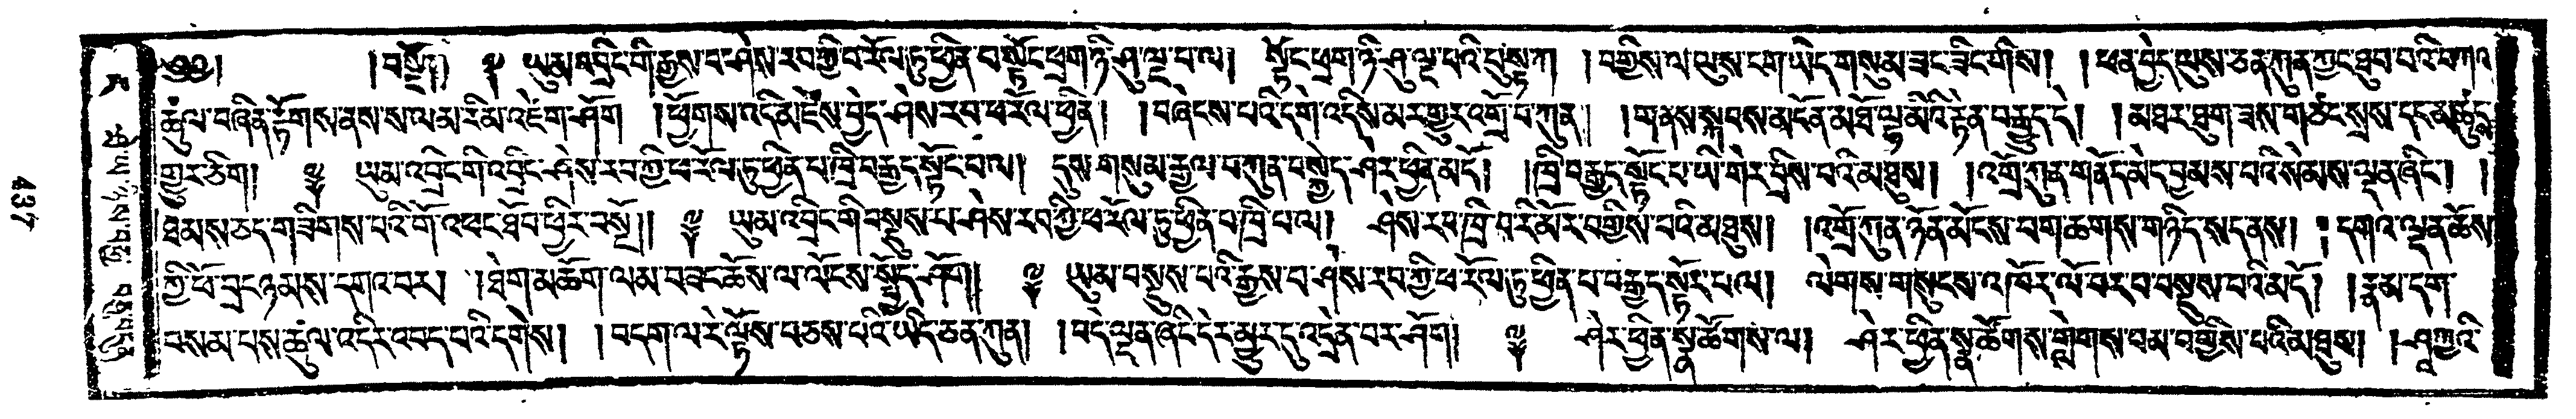༄༅། །བསྔོ།། ༈ ཡུམ་འབྲིང་གི་རྒྱས་བ་ཤེས་རབ་ཀྱི་བ་རོལ་ཏུ་ཕྱིན་བ་སྟོང་ཕྲག་ཉི་ཤུ་ལྔ་པ་ལ། སྟོང་ཕྲག་ཉི་ཤུ་ལྔ་པའི་པུསྟ་ཀ །བགྱིས་ལ་ལུས་ངག་ཡིད་གསུམ་ཟང་ཟིང་གིས། །ཕན་བྱེད་ལུས་ཅན་ཀུན་ཀྱང་ཐུབ་བའི་བཀའ་
ཚུལ་བཞིན་རྟོགས་ནས་ས་ལམ་རིམ་འཛེག་ཤོག །ཕྱོགས་འདི་མཛེས་བྱེད་ཤེས་རབ་ཕ་རོལ་ཕྱིན། །བཞེངས་པའི་དགེ་འདིས་མར་གྱུར་འགྲོ་བ་ཀུན། །གནས་སྐབས་མངོན་མཐོ་ལྷ་མིའི་རྟེན་བརྒྱུད་དེ། །མཐར་ཐུག་ཟས་གཙང་སྲས་དང་མཚུངས་
གྱུར་ཅིག། ༈ ཡུམ་འབྲིང་གི་འབྲིང་ཤེས་རབ་ཀྱི་ཕ་རོལ་ཏུ་ཕྱིན་པ་ཁྲི་བརྒྱད་སྟོང་བ་ལ། དུས་གསུམ་རྒྱལ་བ་ཀུན་བསྐྱེད་ཤེར་ཕྱིན་མདོ། །ཁྲི་བརྒྱད་སྟོང་པ་ཡི་གེར་བྲིས་བའི་མཐུས། །འགྲོ་ཀུན་གནོད་མེད་བྱམས་པའི་སེམས་ལྡན་ཞིང་། །
ཐམས་ཅད་གཟིགས་པའི་གོ་འཕང་ཐོབ་ཕྱིར་བསྔོ།། ༈ ཡུམ་འབྲིང་གི་བསྡུས་པ་ཤེས་རབ་ཀྱི་ཕ་རོལ་ཏུ་ཕྱིན་པ་ཁྲི་པ་ལ། ཤེས་རབ་ཁྲི་བ་རི་མོར་བགྱིས་བའི་མཐུས། །འགྲོ་ཀུན་ཉོན་མོངས་བག་ཆགས་གཉིད་སད་ནས། །དགའ་ལྡན་ཆོས་
ཀྱི་ཕོ་བྲང་ཉམས་དགའ་བར། །ཐེག་མཆོག་ལམ་བཟང་ཆོས་ལ་ལོངས་སྤྱོད་ཤོག། ༈ ཡུམ་བསྡུས་པའི་རྒྱས་བ་ཤེས་རབ་ཀྱི་ཕ་རོལ་ཏུ་ཕྱིན་པ་བརྒྱད་སྟོང་པ་ལ། ལེགས་གསུངས་འཁོར་ལོ་བར་བ་བསྡུས་པའི་མདོ། །རྣམ་དག་
བསམ་པས་ཚུལ་འདིར་འབད་པའི་དགེས། །བདག་ལ་རེ་ལྟོས་བཅས་པའི་ཡིད་ཅན་ཀུན། །བདེ་ལྡན་ཞིང་དེར་མྱུར་དུ་འདྲེན་བར་ཤོག། ༈ ཤེར་ཕྱིན་སྣ་ཚོགས་ལ། ཤེར་ཕྱིན་སྣ་ཚོགས་གླེགས་བམ་བགྱིས་པའི་མཐུས། །ཤཱཀྱའི་